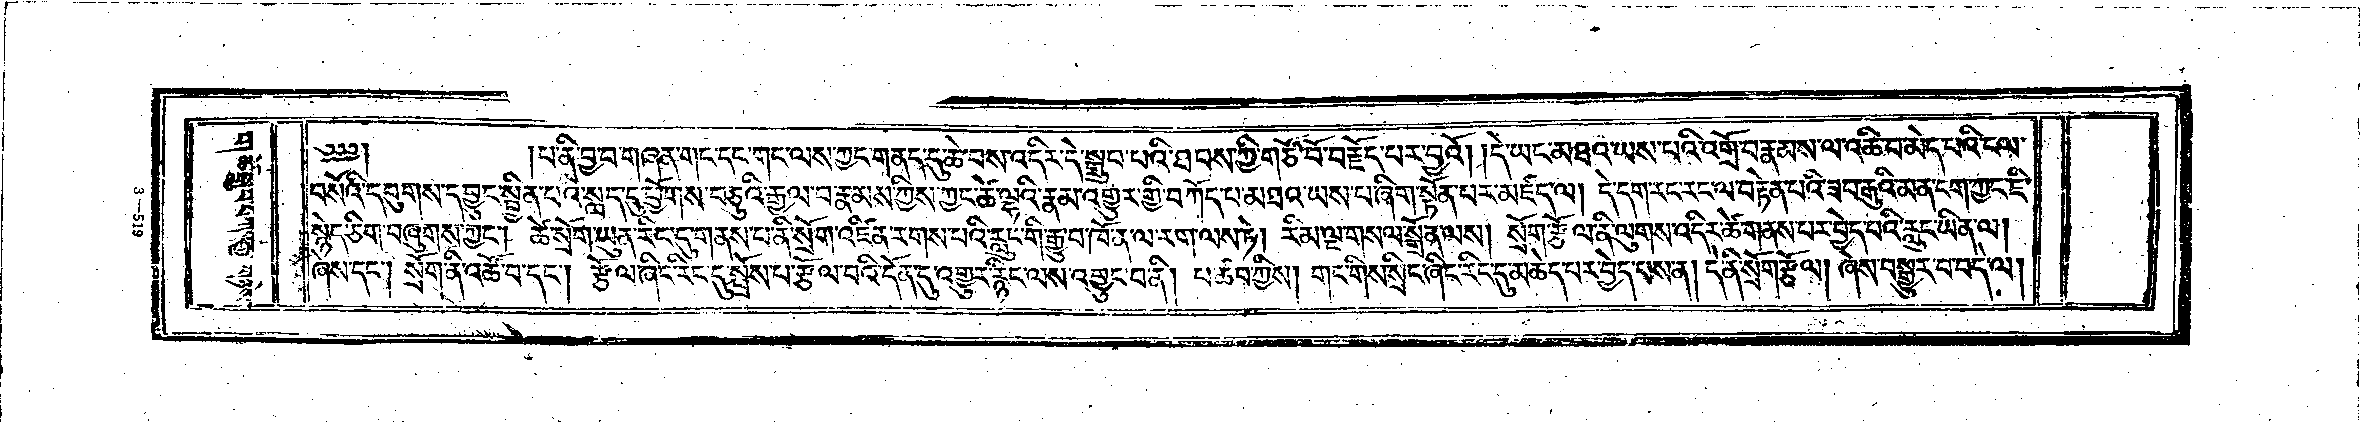༄༅༅། །པ་ནི་བྱ་བ་གཞན་གང་དང་གང་ལས་ཀྱང་གནད་དུ་ཆེ་བས་འདིར་དེ་སྒྲུབ་པའི་ཐབས་ཀྱི་གཙོ་བོ་བརྗོད་པར་བྱའོ། །དེ་ཡང་མཐའ་ཡས་པའི་འགྲོ་བ་རྣམས་ལ་འཆི་བ་མེད་པའི་ངལ་
བསོའི་དབུགས་དབྱུང་སྦྱིན་པའི་སླད་དུ་ཕྱོགས་བཅུའི་རྒྱལ་བ་རྣམས་ཀྱིས་ཀྱང་ཚེ་ལྷའི་རྣམ་འགྱུར་གྱི་བཀོད་པ་མཐའ་ཡས་པ་ཞིག་སྟོན་པར་མཛད་ལ། དེ་དག་རང་རང་ལ་བརྟེན་པའི་ཟབ་རྒུའི་མན་ངག་ཀྱང་ཇི་
སྙེད་ཅིག་བཞུགས་ཀྱང་། ཚེ་སྲོག་ཡུན་རིང་དུ་གནས་པ་ནི་སྲོག་འཛིན་རགས་པའི་རླུང་གི་རྒྱུ་བ་ཁོ་ན་རག་ལས་ཏེ། རིམ་ལྔགས་ལ་སྒྲོན་ལས། སྲོག་རྩོལ་ནི་ལུགས་འདིར་ཚེ་གནས་པར་བྱེད་པའི་རླུང་ཡིན་ལ།
ཞེས་དང་། སྲོག་ནི་འཚོ་བ་དང་། རྩོལ་ཞིང་རིང་དུ་སྤྲོས་པ་རྩོལ་བའི་དོན་དུ་འགྱུར་རྙིང་ལས་འབྱུང་བ་ནི། པ་ཚབ་ཀྱིས། གང་གིས་སྲིང་ཞིང་རིང་དུ་མཆེད་པར་བྱེད་པས་ན། དེ་ནི་སྲོག་རྩོལ། ཞེས་བསྒྱུར་བ་བདེ་ལ།